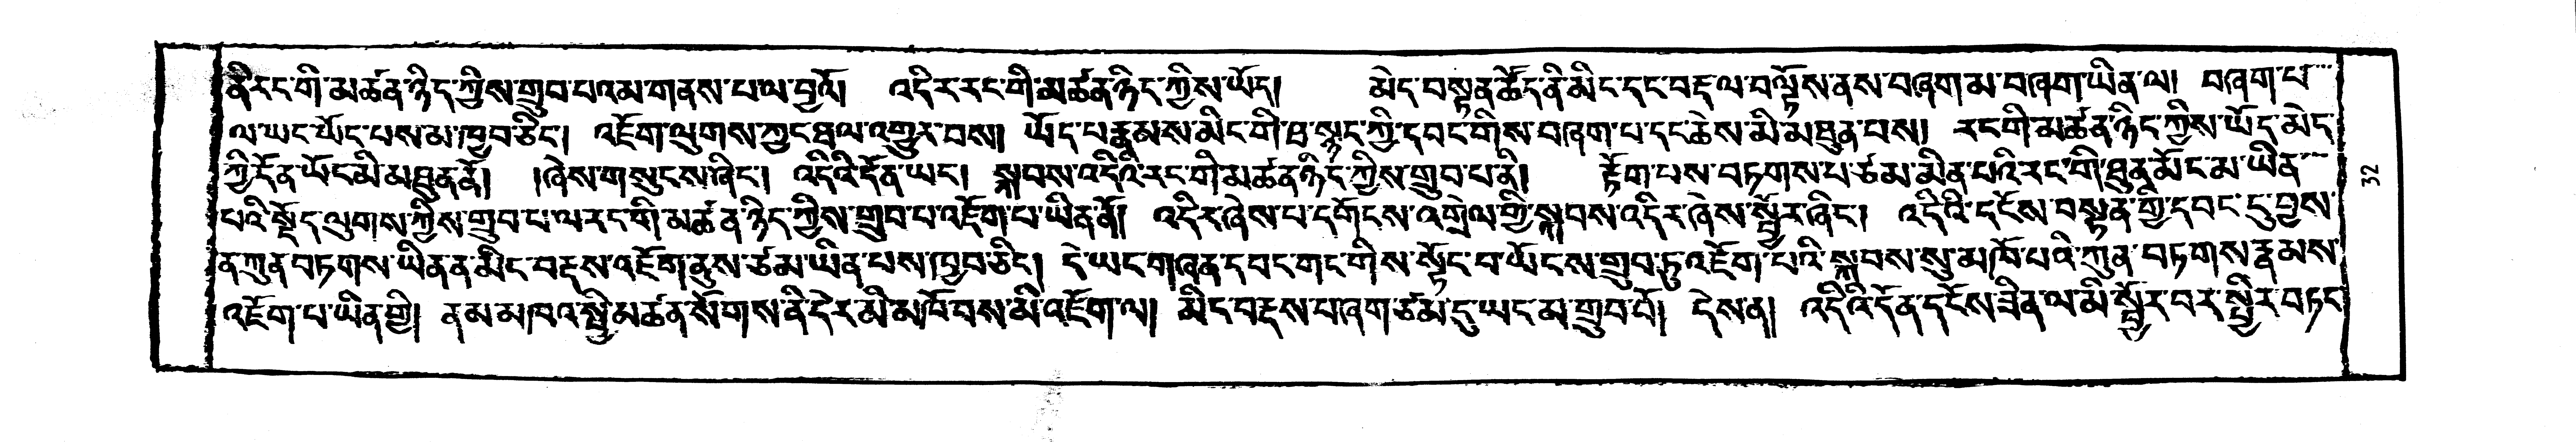ནི་རང་གི་མཚན་ཉིད་ཀྱིས་གྲུབ་པའམ་གནས་པ་ལ་བྱའོ། འདིར་རང་གི་མཚན་ཉིད་ཀྱིས་ཡོད། མེད་བསྟན་ཚོད་ནི་མིང་དང་བརྡ་ལ་བལྟོས་ནས་བཞག་མ་བཞག་ཡིན་ལ། བཞག་པ་
ལ་ཡང་ཡོད་པས་མ་ཁྱབ་ཅིང་། འཇོག་ལུགས་ཀྱང་ཐལ་འགྱུར་བས། ཡོད་པ་རྣམས་མིང་གི་ཐ་སྙད་ཀྱི་དབང་གིས་བཞག་པ་དང་ཆེས་མི་མཐུན་པས། རང་གི་མཚན་ཉིད་ཀྱིས་ཡོད་མེད་
ཀྱི་དོན་ཡོང་མི་མཐུན་ནོ། །ཞེས་གསུངས་ཞིང་། འདིའི་དོན་ཡང་། སྐབས་འདིའི་རང་གི་མཚན་ཉིད་ཀྱིས་གྲུབ་པ་ནི། རྟོག་པས་བཏགས་པ་ཙམ་མིན་པའི་རང་གི་ཐུན་མོང་མ་ཡིན་
པའི་སྡོད་ལུགས་ཀྱིས་གྲུབ་པ་ལ་རང་གི་མཚན་ཉིད་ཀྱིས་གྲུབ་པ་འཇོག་པ་ཡིན་ནོ། འདིར་ཞེས་པ་དགོངས་འགྲེལ་གྱི་སྐབས་འདིར་ཞེས་སྦྱོར་ཞིང་། འདིའི་དངོས་བསྟན་གྱི་དབང་དུ་བྱས་
ན་ཀུན་བཏགས་ཡིན་ན་མིང་བརྡས་འཇོག་ནུས་ཙམ་ཡིན་པས་ཁྱབ་ཅིང་། དེ་ཡང་གཞན་དབང་གང་གིས་སྟོང་བ་ཡོངས་གྲུབ་ཏུ་འཇོག་པའི་སྐབས་སུ་མཁོ་པའི་ཀུན་བཏགས་རྣམས་
འཇོག་པ་ཡིན་གྱི། ནམ་མཁའ་སྤྱི་མཚན་སོགས་ནི་དེར་མི་མཁོ་བས་མི་འཇོག་ལ། མིང་བརྡས་པ་ཞག་ཙམ་དུ་ཡང་མ་གྲུབ་པོ། དེས་ན། འདིའི་དོན་དངོས་ཟིན་ལ་མི་སྦྱོར་བར་སྤྱིར་བཏང་